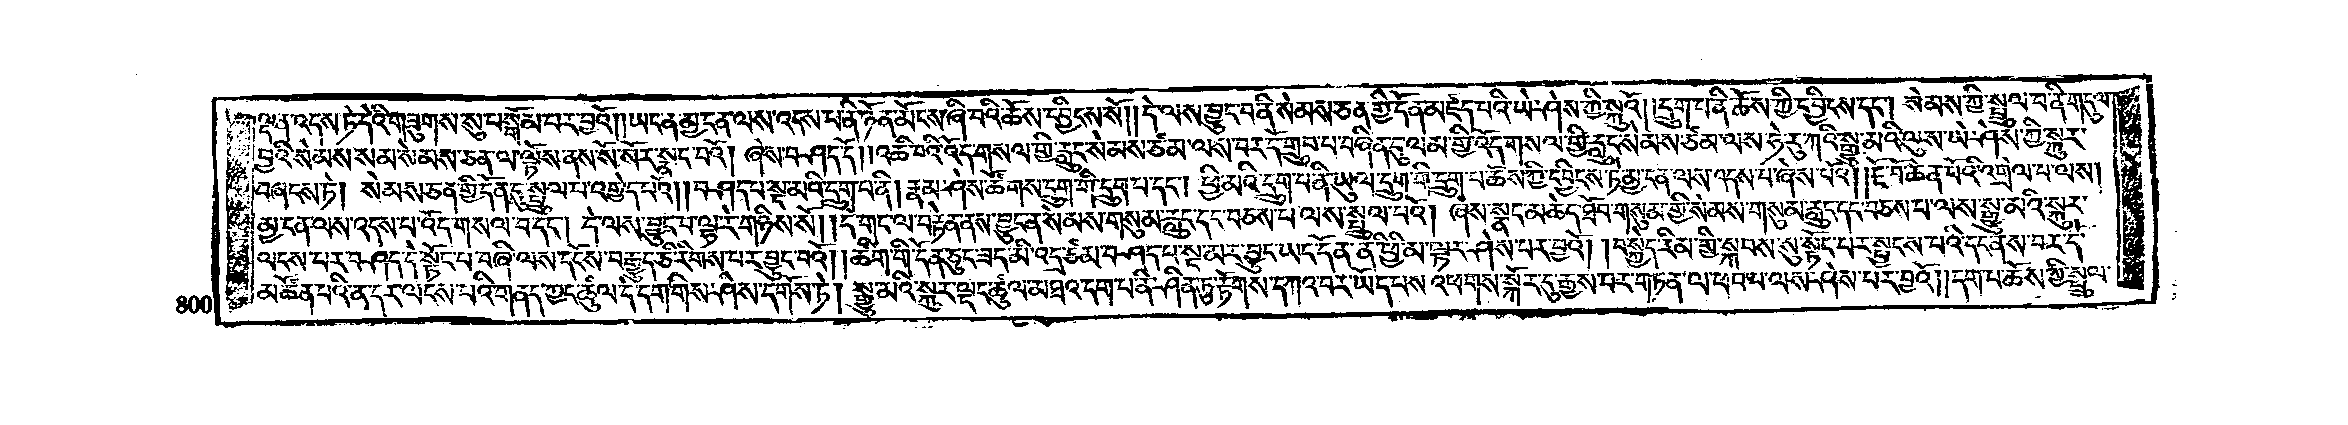ལྡན་འདས་ཏེ་དེའི་གཟུགས་སུ་བསྒོམ་པར་བྱའོ། །ཡང་ན་མྱ་ངན་ལས་འདས་པ་ནི་ཉོན་མོངས་ཞི་བའི་ཆོས་དབྱིངས་སོ། །དེ་ལས་བྱུང་བ་ནི་སེམས་ཅན་གྱི་དོན་མཛད་པའི་ཡེ་ཤེས་ཀྱི་སྐུའོ། །དྲུག་པ་ནི་ཆོས་ཀྱི་དབྱིངས་དང་། སེམས་ཀྱི་སྤྲུལ་པ་ནི་གདུལ་
བྱའི་སེམས་སམ་སེམས་ཅན་ལ་ལྟོས་ནས་སོ་སོར་སྣང་བའོ། ཞེས་བཤད་དོ། །འཆི་བའི་འོད་གསལ་གྱི་རླུང་སེམས་ཙམ་ལས་བར་དོ་གྲུབ་པ་བཞིན་དུ་ལམ་གྱི་འོད་གསལ་གྱི་རླུང་སེམས་ཙམ་ལས་ཧེ་རུ་ཀའི་སྒྱུ་མའི་ལུས་ཡེ་ཤེས་ཀྱི་སྐུར་
བཞེངས་ཏེ། སེམས་ཅན་གྱི་དོན་དུ་སྤྲུལ་པ་འགྱེད་པའོ། །བཤད་པ་སྔ་མའི་དྲུག་པ་ནི། རྣམ་ཤེས་ཚོགས་དྲུག་གི་དྲུག་པ་དང་། ཕྱི་མའི་དྲུག་པ་ནི་ཡུལ་དྲུག་གི་དྲུག་པ་ཆོས་ཀྱི་དབྱིངས་ཏེ་མྱ་ངན་ལས་འདས་པ་ཞེས་པའོ། །ཇོ་བོ་ཆེན་པོའི་འགྲེལ་པ་ལས།
མྱ་ངན་ལས་འདས་པ་འོད་གསལ་བ་དང་། དེ་ལས་བྱུང་བ་ལྷ་རེ་གཉིས་སོ། །དེ་གང་ལ་བརྟེན་ནས་བྱུང་ན་སེམས་གསུམ་རླུང་དང་བཅས་པ་ལས་སྤྲུལ་པའོ། ཞེས་སྣང་མཆེད་ཐོབ་གསུམ་གྱི་སེམས་གསུམ་རླུང་དང་བཅས་པ་ལས་སྒྱུ་མའི་སྐུར་
ལངས་པར་བཤད་དེ་སྟོང་པ་བཞི་ལས་དངོས་བརྒྱུད་ཅི་རིགས་པར་བྱུང་བའོ། །ཚིག་གི་དོན་ཅུང་ཟད་མི་འདྲ་ཙམ་བཤད་པ་སྔ་མར་བྱུང་ཡང་དོན་ནི་ཕྱི་མ་ལྟར་ཤེས་པར་བྱའོ། །བསྐྱེད་རིམ་གྱི་སྐབས་སུ་སྟོང་པར་སྦྱངས་པའི་ངང་ནས་བར་དོ་
མཚོན་པའི་ནཱ་དར་ལངས་པའི་གནད་ཀྱང་ཚུལ་དེ་དག་གིས་ཤེས་དགོས་ཏེ། སྒྱུ་མའི་སྐུར་ལྡང་ཚུལ་མཐའ་དག་པ་ནི་ཤིན་ཏུ་རྟོགས་དཀའ་བར་ཡོད་པས་འཕགས་སྐོར་དུ་རྒྱས་པར་གཏན་ལ་ཕབ་པ་ལས་ཤེས་པར་བྱའོ། །དག་པ་ཆོས་ཀྱི་སྤྲུལ་